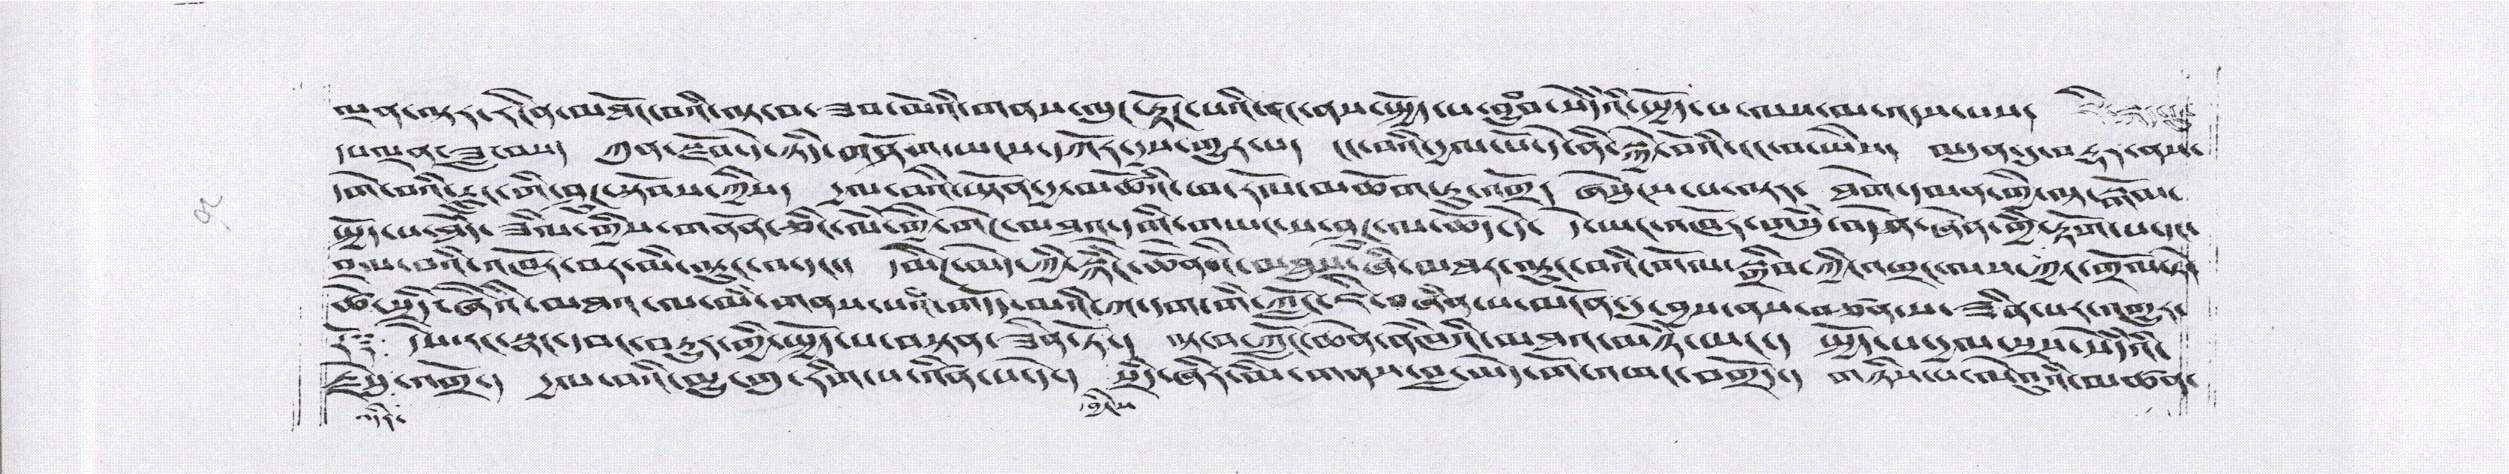ལྡན་ལྟར་རང་བཞིན་མཐོང་བའི་ལྟ་བ་ཟབ་མོའི་གནས་ལུགས་རྟོགས་པའི་ངང་ནས་སྤྱོད་པ་བྱང་ཆུབ་སེམས་དཔའི་སྤྱོད་པ་ལས་མ་འདས་པས། ཇི་སྐད་དུ། 
དཔལ་ལྡན་ཟླ་བས། ཀུན་རྫོབ་དེ་ཉིད་གཤོག་ཡངས་དཀར་པོ་རྒྱས་གྱུར་པ། ངང་པའི་རྒྱལ་པོ་དེ་ནི་སྐྱེ་བོའི་ངང་པ་ཡིས། མདུན་དུ་བརྡར་ནས་
དགེ་བའི་རླུང་གིས་ཤུགས་སྟོབས་ཀྱིས། རྒྱལ་བའི་ཡོན་ཏན་རྒྱ་མཚོའི་ཕ་རོལ་མཆོག་ཏུ་འགྲོ། ཞེས་གསུངས་པ་ལྟར་ཐེག་དམན་གྱི་ལྟ་སྒོམ་
སྤྱོད་པ་ཐམས་ཅད་ཟིལ་གྱིས་གནོན་ཞིང་ལམ་གྱི་གེགས་མཐའ་དག་གི་གཡང་ས་ཤུགས་ལ་ཆོད་དེ། དེ་ཡང་འཁོར་གསུམ་བདེན་ཞེན་གྱི་རྟོག་པ་དང་
བྲལ་བས་འཁོར་བར་མི་ལྟུང་བ་དང་། དམིགས་མེད་ཀྱི་སྙིང་རྗེ་ཆེན་པོའི་མཐུས་ཞི་མཐར་ལྟུང་བའི་གོལ་སྒྲིབ་ཀྱི་འཕྲང་ལས་ཀྱང་གྲོལ་ཏེ་
ཚེ་འདིར་སྲིད་ཞིའི་མཐའ་ལ་མི་གནས་པའི་གདོད་མའི་ཀ་དག་གི་ཀློང་ཇི་བཞིན་པ་མངོན་དུ་བྱས་ནས་བཙན་ས་ཟིན་པར་འགྱུར་
རོ། དེས་རང་སྣང་དབང་སྒྱུར་གྱི་སྤྱོད་པ་བསྟན་ཟིན་ཏོ། །ལྟ་བ་ཀློང་ཆེན་ཡངས་པའི་མཐའ་མཉམ་ཡང་། སྤྱོད་པ་རྒྱལ་སྲས་སེམས་དཔའི་
རྗེས་སུ་འགྲོ། རྒྱལ་བའི་མྱུ་གུ་རིག་པ་འཛིན་པ་དེ། སྲིད་ཞིར་མི་གནས་བླ་མེད་གོ་འཕང་བགྲོད། །གཉིས་པ་ལེའུའི་མཚན་